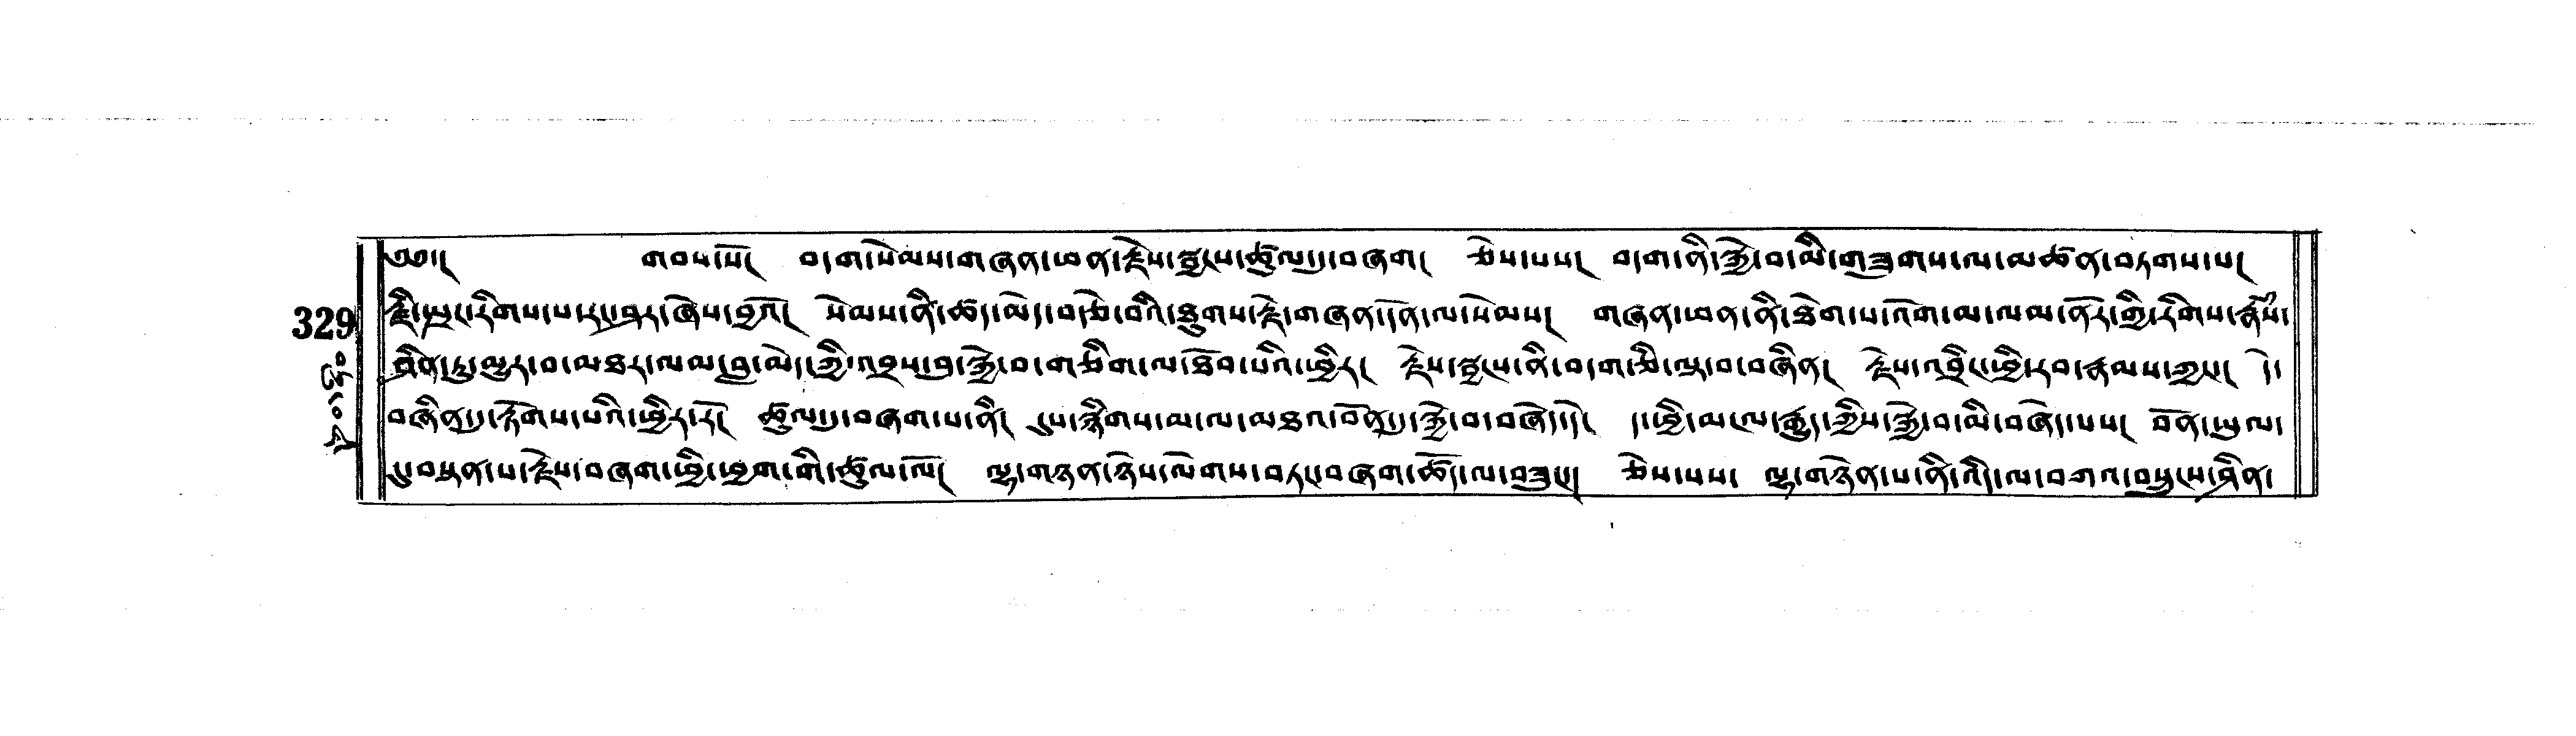གབས་སོ། བདག་སེམས་གཞན་ཕན་རྗེས་སྦྱངས་ཚུལ་དུ་བཞག ཅེས་པས། བདག་ནི་སྐྱེ་བ་མི་གཟུགས་ལ་མཚན་བཏགས་པ། 
རྫི་སྤྲང་རིག་པ་རང་ཤར་ཞེས་བྱའོ། སེམས་ནི་ཚད་མེད་བརྩེ་བའི་ཐུགས་རྗེ་གཞན་དོན་ལ་སེམས། གཞན་ཕན་ནི་ཐེག་པ་འོག་མ་ལམ་ནོར་གྱི་རིགས་རྣམས་
ཤིན་ཏུ་མྱུར་བ་མཐར་ལམ་བླ་མེད་ཀྱི་འབྲས་བུ་སྐྱེ་བ་ལ་ཐོབ་པའི་ཕྱིར། རྗེས་སྦྱངས་ནི་བདག་ཅི་ལྟ་བ་བཞིན། རྗེས་འབྲེང་ཕྱི་རབས་རྣམས་ཀྱང་དེ་
བཞིན་དུ་རྟོགས་པའི་ཕྱིར་རོ། ཚུལ་དུ་བཞག་པ་ནི། དུས་སྙིགས་མ་ལ་མཐའ་བོན་དུ་སྐྱེ་བ་བཞེད་དེ། ད་ཕྱི་མངལ་རྒྱུད་དུ་སྐྱེ་བ་མི་བཞེད་པས། བོན་ཡུལ་
དུ་བསྟན་པ་རྗེས་བཞག་ཕྱི་ཕྱག་གི་ཚུལ་ལོ། ལྷ་གཉན་ཉེས་ལེགས་བཏང་བཞག་ཚོད་ལ་བཟུང་། ཅེས་པས། ལྷ་གཉེན་པ་ནི་འདི་ལ་བཀའ་སྲུངས་ཤིན་